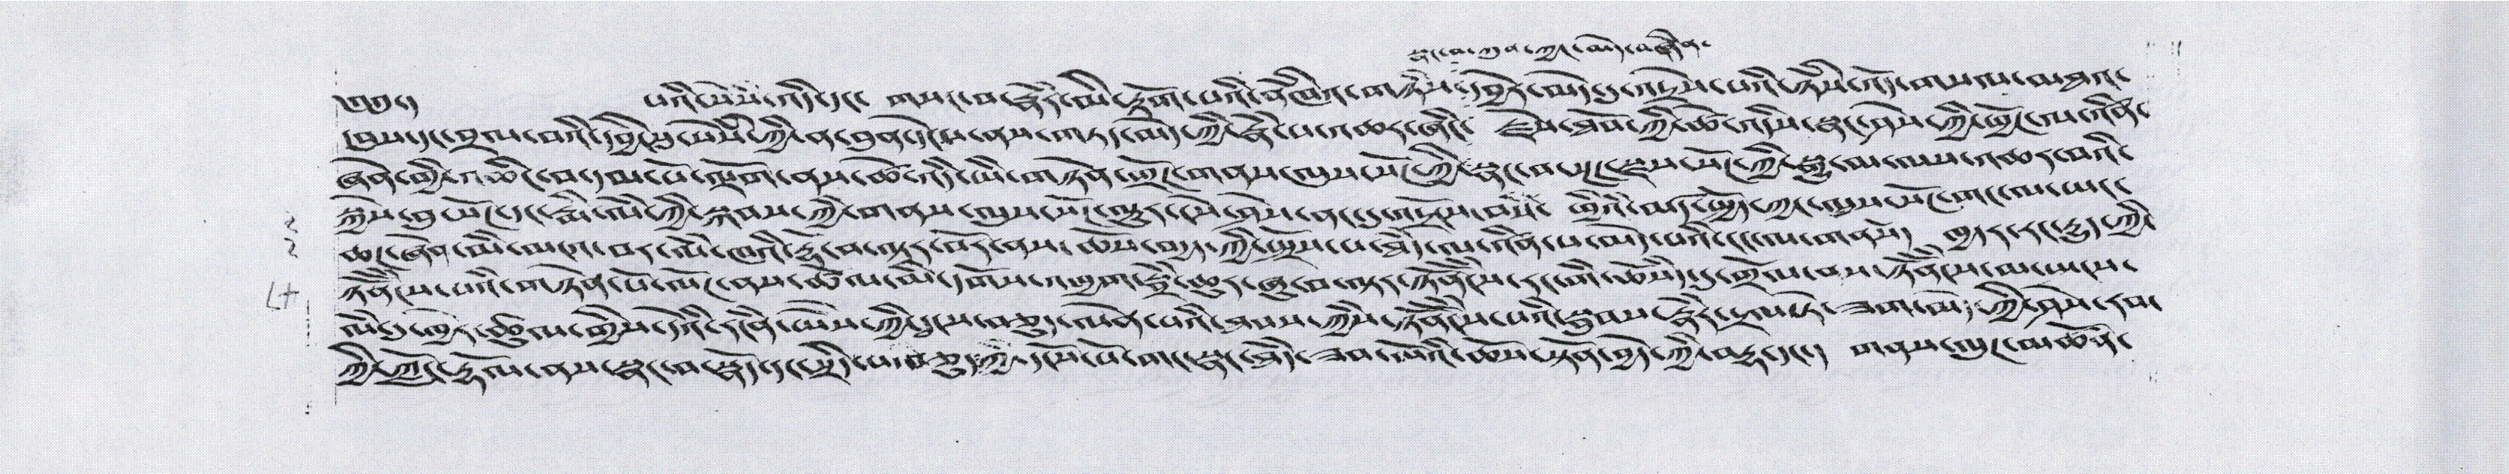པའི་སེམས་འདི་དང་། གསང་བ་རྣམ་པར་མི་རྟོག་པའི་ནམ་མཁའ་གཉིས་དབྱེར་མེད་དུ་འདྲེས་པའི་ཉམས་འོད་གསལ་མཐའ་
དབུས་དང་བྲལ་བའི་དབྱིངས་སུ་སེམས་ཀྱི་ན་བུན་དེངས་ནས་གཏད་མེད་ཀྱི་རྣམ་པ་འཆར་ཞིང་། རྗེས་ཐོབ་ཀྱི་ཚེ་འདིའི་སྣང་ཤེས་ཀྱི་ཕྱོགས་ལ་འཛིན་
ཞེན་གྱི་འཆིང་བ་དམ་པོ་ལྡོག་ནས་ཚེ་འདི་ཡི་གཉེན་གྲོགས་གནས་ལུས་སོགས་ཀྱི་སྣང་བ་སྔགས་རྫས་སོགས་ཀྱི་སྒྱུ་མ་ལས་འཆར་བའི་
སྐྱེས་བུ་སོགས་དང་། རྨི་ལམ་གྱི་སྐབས་ཀྱི་གནས་ལུས་སོགས་ལྟ་བུར་ངེས་ཤེས་ནང་དུ་འདྲོངས་པས། ཕྱིའི་མཛད་སྤྱོད་ཀྱང་ལུས་སོགས་གང་ལ་ཡང་
ཆགས་ཞེན་མི་མངའ་བར་ལམ་ཁའི་རྡོ་བ་ལྟར་བོར་ནས་ཆོས་བརྒྱད་ཀྱི་སྤྲོས་པ་ཐམས་ཅད་ལ་འཛིན་པ་མེད་པའི་ངང་ལ་གནས་སོ། ཁྱད་པར་རང་རྒྱུད་ཀྱི་
ཉོན་མོངས་པའི་གཉེན་པོ་ལོགས་ནས་འཚོལ་མི་དགོས་འཁྱག་སྦྲམ་ཆུར་ཞུ་བ་ལྟར་ཉོན་མོངས་རང་གི་ཆོས་ཉིད་དུ་གྲོལ་བས་ཉོན་མོངས་མ་སྤངས་
ལམ་དུ་ཁྱེར་ཚུལ་གྱིས་དེའི་རང་བཞིན་ཡེ་ཤེས་ཀྱི་དྭངས་བཅུད་ལེན་པའི་ཐབས་ཀྱིས་ཉོན་མོངས་པའི་སྦུབས་རྣམ་པར་དྲལ་ཏེ་ཟག་མེད་ཀྱི་ཤེས་རབ་
ཀྱི་ཀློང་རྡོལ་ནས་སྣང་བ་སྣོད་དང་སྲིད་པ་བཅུད་ཀྱི་དངོས་པོ་གང་སྣང་ཐམས་ཅད་ཟབ་མོའི་ཆོས་སྟོན་བྱེད་ཀྱི་བརྡ་དང་། གནས་ལུགས་མཚོན་